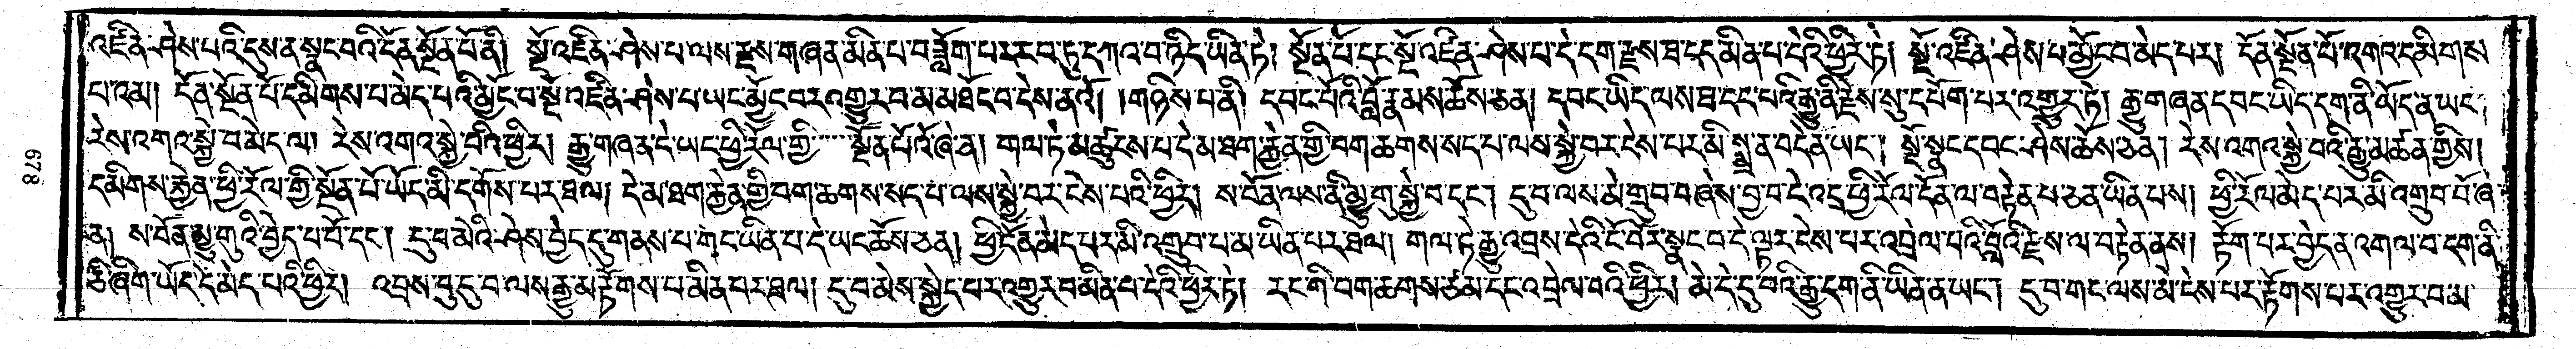འཛིན་ཤེས་པའི་དུས་ན་སྣང་བའི་དོན་སྔོན་པོ་ནི། སྔོ་འཛིན་ཤེས་པ་ལས་རྫས་གཞན་མིན་པ་བཟློག་པར་རབ་ཏུ་དཀའ་བ་ཉིད་ཡིན་ཏེ། སྔོན་པོ་དང་སྔོ་འཛིན་ཤེས་པ་དེ་དག་རྫས་ཐ་དད་མིན་པ་དེའི་ཕྱིར་ཏེ། སྔོ་འཛིན་ཤེས་པ་མྱོང་བ་མེད་པར། དོན་སྔོན་པོ་འགའ་དམིགས་
པའམ། དོན་སྔོན་པོ་དམིགས་པ་མེད་པའི་མྱོང་བ་སྔོ་འཛིན་ཤེས་པ་ཡང་མྱོང་བར་འགྱུར་བ་མ་མཐོང་བ་དེས་ནའོ། །གཉིས་པ་ནི། དབང་པོའི་བློ་རྣམས་ཆོས་ཅན། དབང་ཡིད་ལས་ཐ་དད་པའི་རྒྱུ་ནི་རྗེས་སུ་དཔོག་པར་འགྱུར་ཏེ། རྒྱུ་གཞན་དབང་ཡིད་དག་ནི་ཡོད་ན་ཡང་། །
རེས་འགའ་སྐྱེ་བ་མེད་ལ། རེས་འགའ་སྐྱེ་བའི་ཕྱིར། རྒྱུ་གཞན་དེ་ཡང་ཕྱི་རོལ་གྱི་སྔོན་པོའོ་ཞེ་ན། གལ་ཏེ་མཚུངས་པ་དེ་མ་ཐག་རྐྱེན་གྱི་བག་ཆགས་སད་པ་ལས་སྐྱེ་བར་ངེས་པར་མི་སྨྲ་ན་བདེན་ཡང་། སྔོ་སྣང་དབང་ཤེས་ཆོས་ཅན། རེས་འགའ་སྐྱེ་བའི་རྒྱུ་མཚན་གྱིས།
དམིགས་རྐྱེན་ཕྱི་རོལ་གྱི་སྔོན་པོ་ཡོད་མི་དགོས་པར་ཐལ། དེ་མ་ཐག་རྐྱེན་གྱི་བག་ཆགས་སད་པ་ལས་སྐྱེ་བར་ངེས་པའི་ཕྱིར། ས་བོན་ལས་ནི་མྱུ་གུ་སྐྱེ་བ་དང་། དུ་བ་ལས་མེ་གྲུབ་པ་ཞེས་བྱ་བ་དེ་འདྲ་ཕྱི་རོལ་དོན་ལ་བརྟེན་པ་ཅན་ཡིན་པས། ཕྱི་རོལ་མེད་པར་མི་འགྲུབ་བོ་ཞེ་
ན། ས་བོན་མྱུ་གུའི་བྱེད་པ་པོ་དང་། དུ་བ་མེའི་ཤེས་བྱེད་དུ་གནས་པ་གང་ཡིན་པ་དེ་ཡང་ཆོས་ཅན། ཕྱི་དོན་མེད་པར་མི་འགྲུབ་པ་མ་ཡིན་པར་ཐལ། གལ་ཏེ་རྒྱུ་འབྲས་དེའི་ངོ་བོར་སྣང་བ་དེ་ལྟར་ངེས་པར་འབྲེལ་པའི་བློའི་རྫས་ལ་བརྟེན་ནས། རྟོག་པར་བྱེད་ན་འགལ་བ་དག་ནི་
ཅི་ཞིག་ཡོད་དེ་མེད་པའི་ཕྱིར། འབྲས་བུ་དུ་བ་ལས་རྒྱུ་མ་རྟོགས་པ་མིན་པར་ཐལ། དུ་བ་མེས་སྐྱེད་པར་འགྱུར་བ་མིན་པ་དེའི་ཕྱིར་ཏེ། རང་གི་བག་ཆགས་ཙམ་དང་འབྲེལ་བའི་ཕྱིར། མེ་དེ་དུ་བའི་རྒྱུ་དག་ནི་ཡིན་ན་ཡང་། དུ་བ་གང་ལས་མེ་ངེས་པར་རྟོགས་པར་འགྱུར་བ་མ་